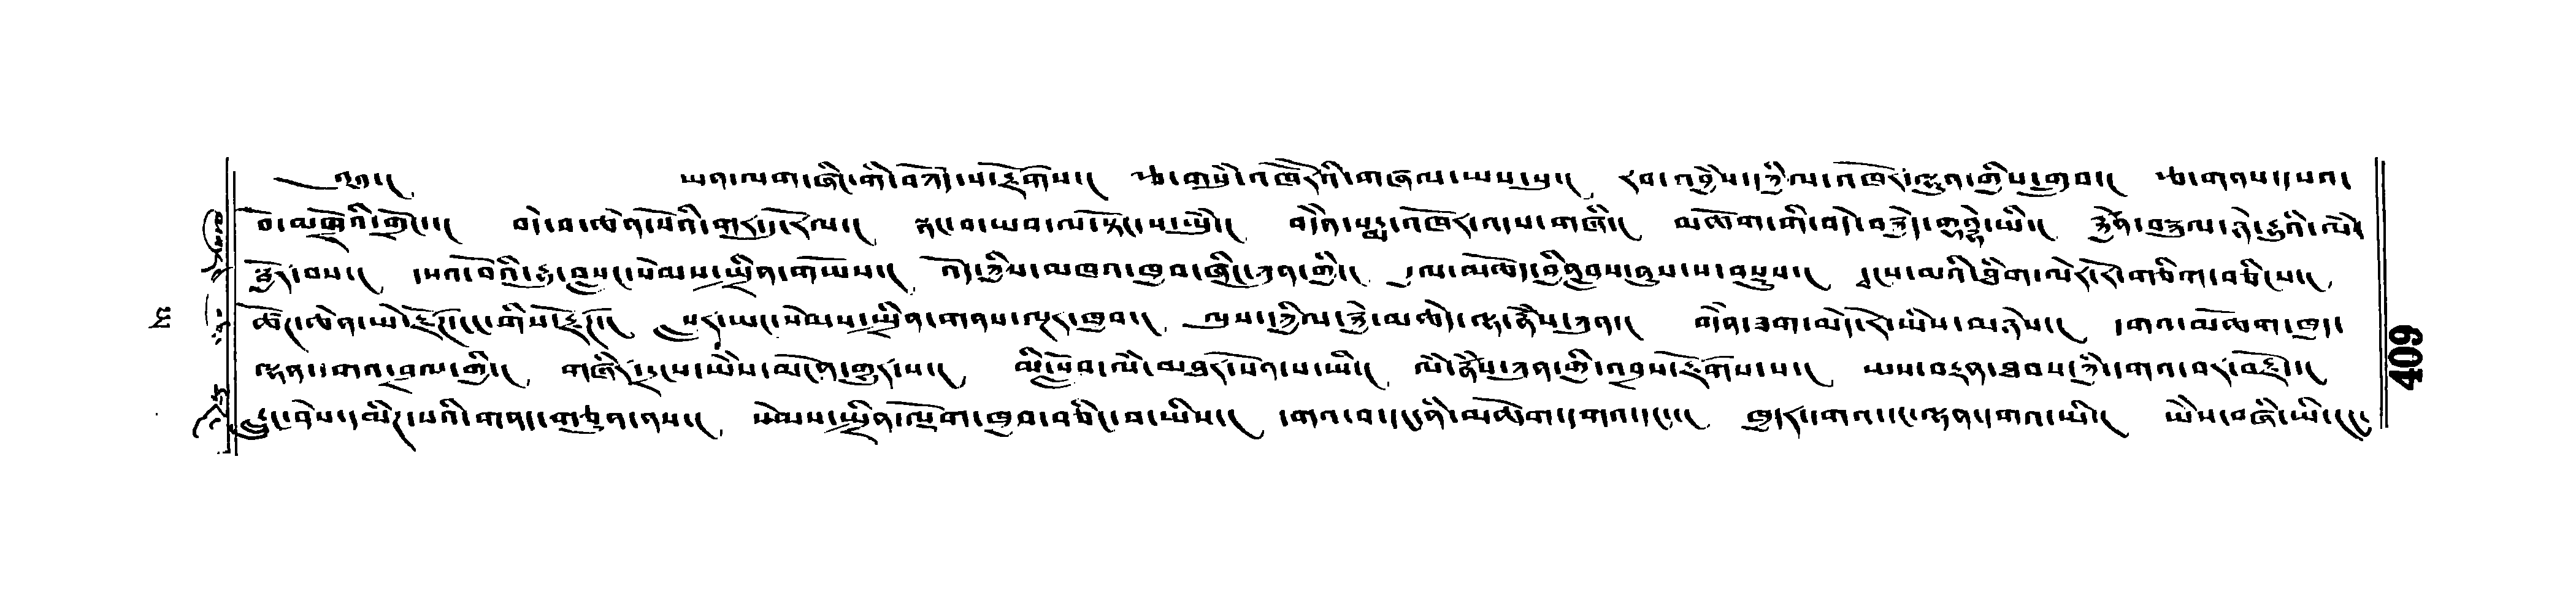།ཡན་ལག་ཞིང་གི་བཀོད་པ་རྫོགས། །རྩ་གསུམ་འཁོར་ལོའི་གཞལ་ཡས་སུ། །རབ་འབྱམས་དཀྱིལ་འཁོར་ལྷུན་གྱིས་གྲུབ། །རྩ་གནས་དཔའ་
བོ་མཁའ་འགྲོའི་གྲོང་། །བདེ་བ་ཆེན་པོའི་གར་དུ་རོལ། །སྣང་བ་ཡབ་ལ་སྟོང་པ་ཡུམ། །བདེ་ཆེན་པདྨ་འཁོར་འདས་གཞི། །མཆོག་གི་བདེ་བསྐྱེད་གྷནྡྷེ་ཡི། །རྐྱེན་བསྐུལ་ཉེ་རྒྱུའི་ལམ་
སྦྱོར་བས། །དཔའ་བོའི་རྒྱ་བསླང་སེམས་སྤྲིན་གཡོས། །འོད་ཀྱིས་མཁའ་ཁྱབ་ཞིང་ཀུན་གྱི། །རྒྱལ་མཆོད་བྱིན་རླབས་ནུས་པ་བསྡུས། །དྭངས་མའི་ཐིག་ལེར་རོ་གཅིག་བཅིངས། །
ཚོགས་ཆེན་ཡེ་རྫོགས་ངང་གིས་རྫོགས། །སླར་ཡང་སེམས་སྤྲིན་གནས་ལྔར་ཁྱབ། །ལུས་དཀྱིལ་སྐྱེ་མཆེད་ལྷ་རྣམས་ཀུན། །བདེ་ཆེན་ཟག་མེད་རེ་ཡིས་མཉེས། །དགའ་མཆོག་ཁྱད་
ལྷན་དགའ་བྲལ་གྱི། །གཞིར་དྲངས་ཡེ་ཤེས་མངོན་གྱུར་པ། །མི་སློབ་ལམ་མཐར་སོན་པ་ཡི། །ལམ་རྣམས་ཀུན་གྱི་འབྲས་རྫོགས་པ། །ཡས་བརྟན་ཐབས་ཀྱི་དགའ་བར་བརྫོད། །
རླུང་ཤེས་དམིགས་པའི་གནད་གཅུན་ནས། །སེམས་སྤྲིན་ལྡོག་ཁྱབ་བཅིང་བ་ཡིས། །དགའ་བ་དང་ནི་མཆོག་དགའ་དང་།ཁྱད་པར་དགའ་དང་ལྷན་དགའ་ཡི། །ཡེ་ཤེས་བཞི་ཡི་ངང་